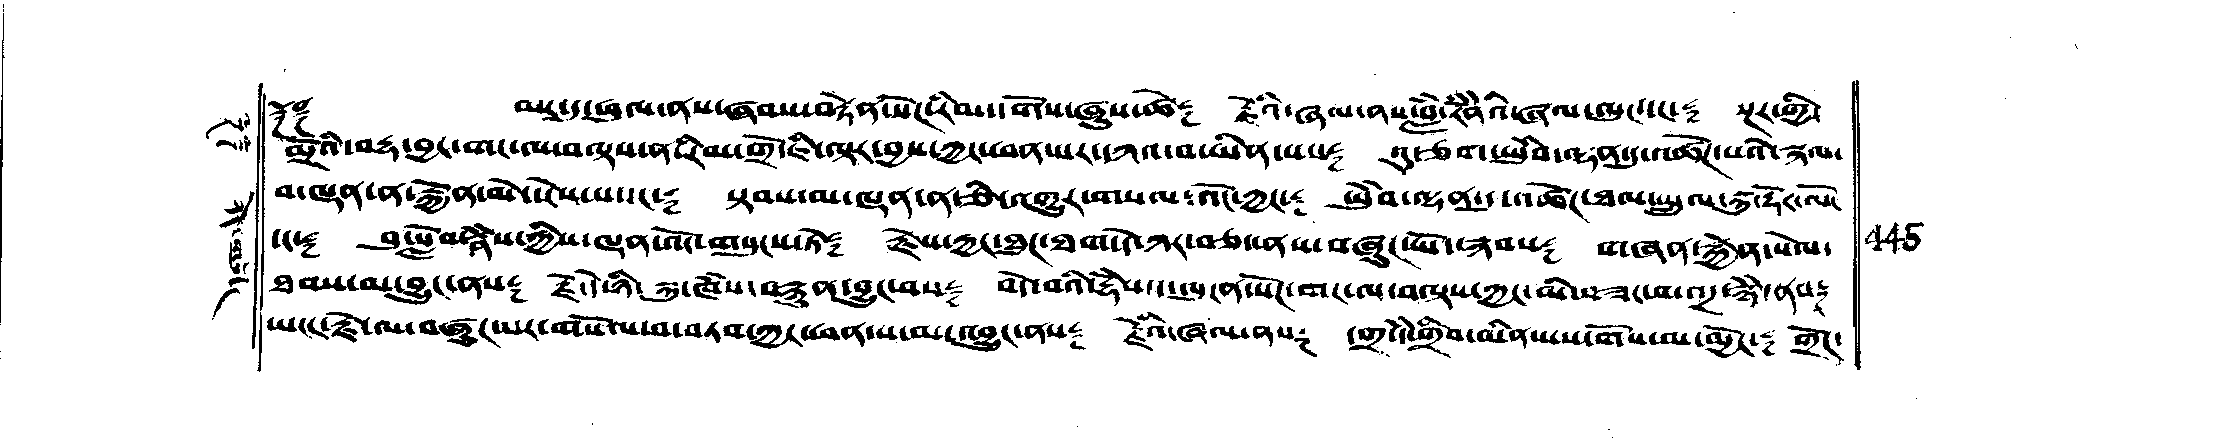མང་དུ་ཕུལ་ནས་ཞབས་བརྟན་སོགས་རེམ་དགོས་ཞུས་ཚེ། རྗེའི་ཞལ་ནས་བླ་མ་རིན་པོ་ཆེའི་ཞལ་ལུང་དང་། སྔར་གྱི་
མཁའ་འགྲོའི་བརྡ་བྱང་གང་ལ་བལྟས་ན་རིམ་གྲོ་ཇི་ལྟར་བྱས་ཀྱང་ཕན་པར་དཀའ་བ་ཡིན་པས། འུ་ཅག་ཡབ་ཡུམ་ལྷན་དུ་འཚོགས་པའི་སྐལ་
བ་ལྡན་ན་སྐྱོན་མེད་ངེས་པ་དང་། སྟབས་མ་ལྡན་ན་ཅི་འགྱུར་གསལ་འོང་ཡང་། ཡབ་ཡུམ་ལྷན་དུ་འཚོགས་ཐལ་སྤྲུལ་སྐུ་རྡོར་ལོ་
དང་། བུ་སློབ་རྣམས་ཀྱིས་ལྡན་འོང་གསུངས་ཏེ། རྗེས་ཀྱང་ཐུགས་ཐག་དེ་ཀར་བཅད་ནས་བཞུགས་ཡོད་སྐབས། གཞན་རྐྱེན་སེལ་
ཐབས་མ་བྱུང་ནས། རྗེ་དེ་ཉིད་སྐུ་ཁམས་བསྙུན་བྱུང་བས། བདེ་བའི་རྡོ་རྗེས་ད་ལུང་བསྟན་སོགས་གང་ལ་བལྟས་ཀྱང་མི་བཟང་བ་འདྲ་སྙམ་ནས།
ཡང་ཡང་རྗེ་ལ་བཞུགས་པར་གསོལ་བ་བཏབ་ཀྱང་ཕན་པ་མ་བྱུང་ནས། རྗེའི་ཞལ་ནས། དགྲ་དམ་གྲིབ་མིན་པས་གོས་མ་མྱོང་། །གྲོགས་